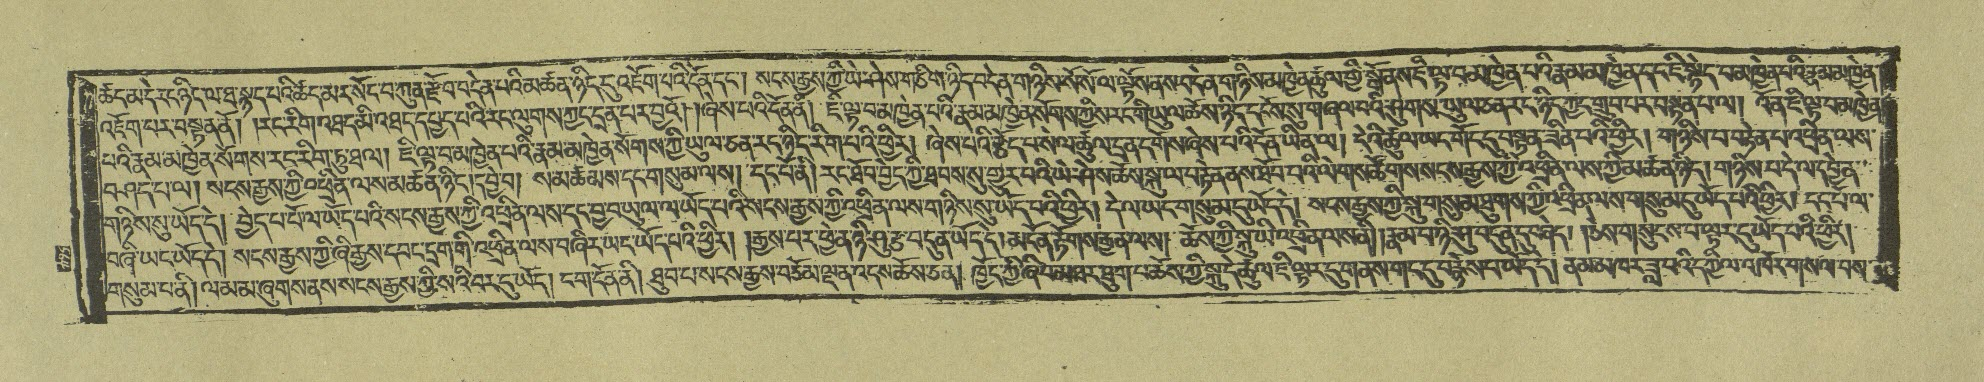ཚད་མེད་རང་ཉིད་ལ་ཐ་སྙད་པའི་ཚད་མར་སོང་བ་ཀུན་རྫོབ་བདེན་པའི་མཚན་ཉིད་དུ་འཇོག་པའི་དོན་དང་། སངས་རྒྱས་ཀྱི་ཡེ་ཤེས་གཅིག་ཉིད་བདེན་གཉིས་སོ་སོ་ལ་ལྟོས་ནས་བདེན་གཉིས་མཁྱེན་ཚུལ་གྱི་སྒོ་ནས་ཇི་ལྟ་བ་མཁྱེན་པའི་རྣམ་མཁྱེན་དང་ཇི་སྙེད་པ་མཁྱེན་པའི་རྣམ་མཁྱེན་
འཇོག་པར་བསྟན་ནོ། །རང་རིག་འཐད་མི་འཐད་དཔྱད་པའི་རང་ལུགས་ཀྱང་དྲན་པར་བྱའོ། །ཞེས་པའི་དོན་ནི། ཇི་ལྟ་བ་མཁྱེན་པའི་རྣམ་མཁྱེན་སོགས་ཀྱིས་རང་གི་ཡུལ་ཆོས་ཉིད་དངོས་སུ་གཞལ་བའི་ཤུགས་ཡུལ་ཅན་རང་ཉིད་ཀྱང་གྲུབ་པར་བསྟན་པ་ལ། འོ་ན་ཇི་ལྟ་བ་མཁྱེན་
པའི་རྣམ་མཁྱེན་སོགས་རང་རིག་ཏུ་ཐལ། ཇི་ལྟ་བ་མཁྱེན་པའི་རྣམ་མཁྱེན་སོགས་ཀྱི་ཡུལ་ཅན་རང་ཉིད་རིག་པའི་ཕྱིར། ཞེས་པའི་རྩོད་པ་སེལ་ཚུལ་དྲན་དགོས་ཞེས་པའི་དོན་ཡིན་ལ། དེའི་ཚུལ་ཡང་གོང་དུ་བསྟན་ཟིན་པའི་ཕྱིར། གཉིས་པ་བརྟེན་པ་འཕྲིན་ལས་
བཤད་པ་ལ། སངས་རྒྱས་ཀྱི་འཕྲིན་ལས་མཚན་ཉིད། དབྱེ་བ། ས་མཚམས་དང་གསུམ་ལས། དང་པོ་ནི། རང་ཐོབ་བྱེད་ཀྱི་ཐབས་སུ་གྱུར་པའི་ཡེ་ཤེས་ཆོས་སྐུ་ལ་བརྟེན་ནས་ཐོབ་པའི་ལེགས་ཚོགས་སངས་རྒྱས་ཀྱི་འཕྲིན་ལས་ཀྱི་མཚན་ཉིད། གཉིས་པ་དེ་ལ་དབྱེ་ན་
གཉིས་སུ་ཡོད་དེ། བྱེད་པ་པོ་ལ་ཡོད་པའི་སངས་རྒྱས་ཀྱི་འཕྲིན་ལས་དང་བྱ་བ་ཡུལ་ལ་ཡོད་པའི་སངས་རྒྱས་ཀྱི་འཕྲིན་ལས་གཉིས་སུ་ཡོད་པའི་ཕྱིར། དེ་ལ་ཡང་གསུམ་དུ་ཡོད་དེ། སངས་རྒྱས་ཀྱི་སྐུ་གསུམ་ཐུགས་ཀྱི་འཕྲིན་ལས་གསུམ་དུ་ཡོད་པའི་ཕྱིར། དང་པོ་ལ་
བཞི་ཡང་ཡོད་དེ། སངས་རྒྱས་ཀྱི་ཞི་རྒྱས་དབང་དྲག་གི་འཕྲིན་ལས་བཞིར་ཡང་ཡོད་པའི་ཕྱིར། །རྒྱས་པར་ཕྱེ་ན་ཉི་ཤུ་རྩ་བདུན་ཡོད་དེ། མངོན་རྟོགས་རྒྱན་ལས། ཆོས་ཀྱི་སྐུ་ཡི་འཕྲིན་ལས་ནི། །རྣམ་པ་ཉི་ཤུ་བདུན་དུ་བཞེད། །ཅེས་གསུངས་པ་ལྟར་དུ་ཡོད་པའི་ཕྱིར།
གསུམ་པ་ནི། ལམ་མ་ཞུགས་ནས་སངས་རྒྱས་ཀྱི་སའི་བར་དུ་ཡོད། ངག་དོན་ནི། ཐུབ་པ་སངས་རྒྱས་བཅོམ་ལྡན་འདས་ཆོས་ཅན། ཁྱོད་ཀྱི་ཞི་བ་མཐར་ཐུག་པ་ཆོས་ཀྱི་སྐུ་དེ་ཚུལ་ཇི་ལྟར་དུ་གནས་གང་དུ་བརྙེས་པ་ཡོད་དེ། ནམ་མཁར་ཟླ་བའི་དཀྱིལ་འཁོར་གསལ་བས་